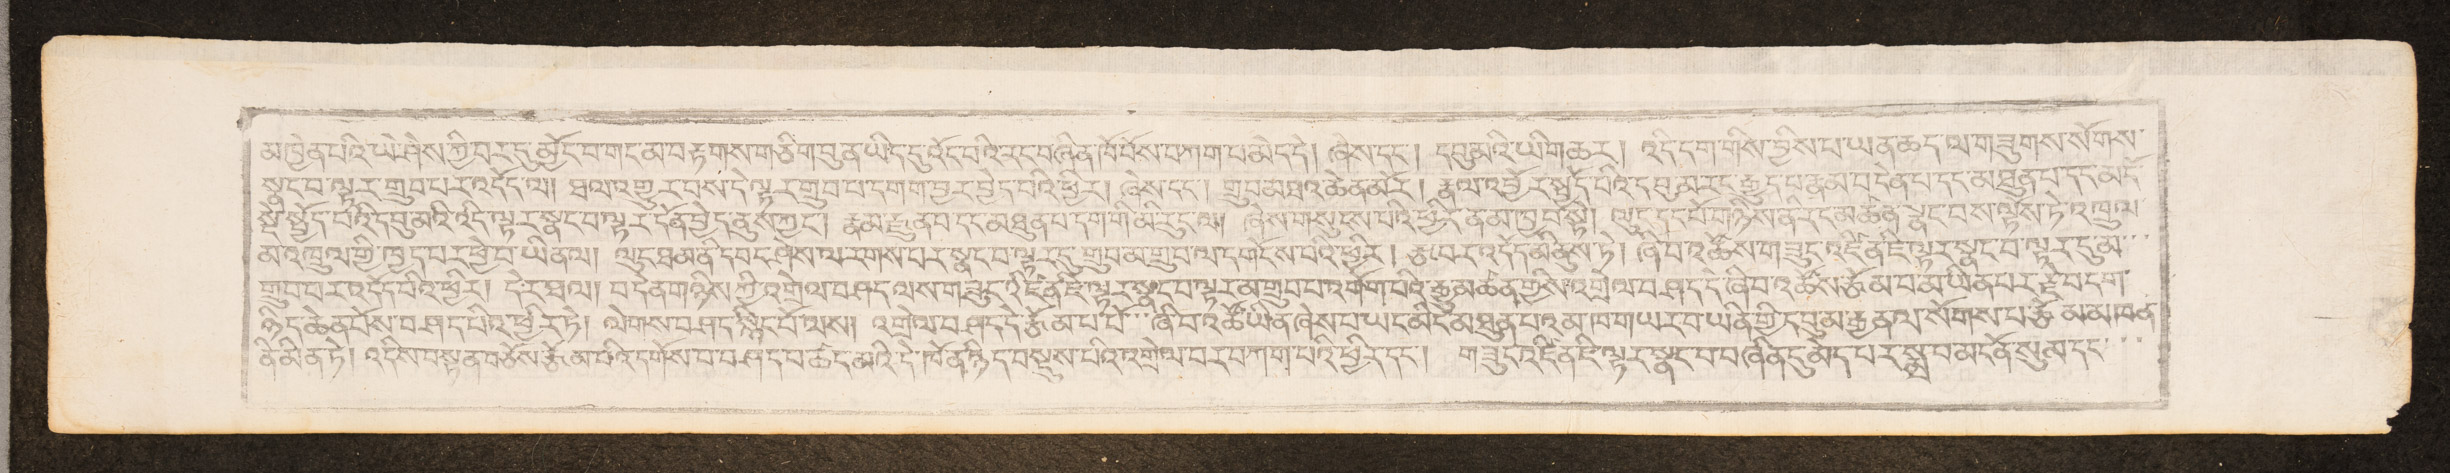མཁྱེན་པའི་ཡེ་ཤེས་ཀྱི་བར་དུ་མྱོང་བ་གང་མ་བརྟགས་གཅིག་བུ་ན་ཡིད་དུ་འོང་བའི་རང་བཞིན་ཁོ་བོས་བཀག་པ་མེད་དེ། ཞེས་དང་། དབུ་མའི་ཡིག་ཆར། འདི་དག་གིས་བྱིས་པ་ཡན་ཆད་ལ་གཟུགས་སོགས་
སྣང་བ་ལྟར་གྲུབ་པར་འདོད་ལ། ཐལ་འགྱུར་བས་དེ་ལྟར་གྲུབ་པ་དགག་བྱར་བྱེད་པའི་ཕྱིར། ཞེས་དང་། གྲུབ་མཐའ་ཆེན་མོར། རྣལ་འབྱོར་སྤྱོད་པའི་དབུ་མ་རང་རྒྱུད་པ་རྣམ་བདེན་པ་དང་མཐུན་པ་དང་མདོ་
སྡེ་སྤྱོད་པའི་དབུ་མའི་འདི་ལྟར་སྣང་བ་ལྟར་དོན་བྱེད་ནུས་ཀྱང་། རྣམ་རྫུན་པ་དང་མཐུན་པ་དག་གི་མི་རུང་ལ། ཞེས་གསུངས་པའི་ཕྱིར་ན་མ་ཁྱབ་སྟེ། ལུང་དང་པོ་གཉིས་ནི་རང་མཚན་སྣང་བས་ལྟོས་ཏེ་འཁྲུལ་
མ་འཁྲུལ་གྱི་ཁྱད་པར་ཕྱེ་བ་ཡིན་ལ། ལུང་ཐ་མ་ནི་དབང་ཤེས་ལ་རགས་པར་སྣང་པ་ལྟར་དུ་གྲུབ་མ་གྲུབ་ལ་དགོངས་པའི་ཕྱིར། རྩ་བར་འདོད་མི་ནུས་ཏེ། ཞི་བ་འཚོས་གཟུང་འཛིན་ཇི་ལྟར་སྣང་བ་ལྟར་དུ་མ་
གྲུབ་པར་འདོད་པའི་ཕྱིར། དེར་ཐལ། བདེན་གཉིས་ཀྱི་འགྲེལ་བཤད་ལས་གཟུང་འཛིན་ཇི་ལྟར་སྣང་བ་ལྟར་མ་གྲུབ་པ་འགོག་པའི་རྒྱུ་མཚན་གྱིས་འགྲེལ་བཤད་དེ་ཞི་བ་འཚོས་རྩོམ་པ་མ་ཡིན་པ་རྗེ་བདག་
ཉིད་ཆེན་པོས་བཤད་པའི་ཕྱིར་ཏེ། ལེགས་བཤད་སྙིང་པོ་ལས། འགྲེལ་བཤད་དེ་རྩོམ་པ་པོ་ཞི་བ་འཚོ་ཡིན་ཞེས་པ་ཡང་མིང་མཐུན་པའམ་ཁ་གཡར་བ་ཡིན་གྱི་དབུ་མ་རྒྱན་ལ་སོགས་པ་རྩོམ་མཁན་
ནི་མིན་ཏེ། འདིས་བསྟན་བཅོས་རྩོམ་པའི་དགོས་པ་བཤད་པ་ཚད་མའི་དེ་ཁོ་ན་ཉིད་བསྡུས་པའི་འགྲེལ་བར་བཀག་པའི་ཕྱིར་དང་། གཟུང་འཛིན་ཇི་ལྟར་སྣང་བ་བཞིན་དུ་མེད་པར་སྨྲ་བ་མངོན་སུམ་དང་